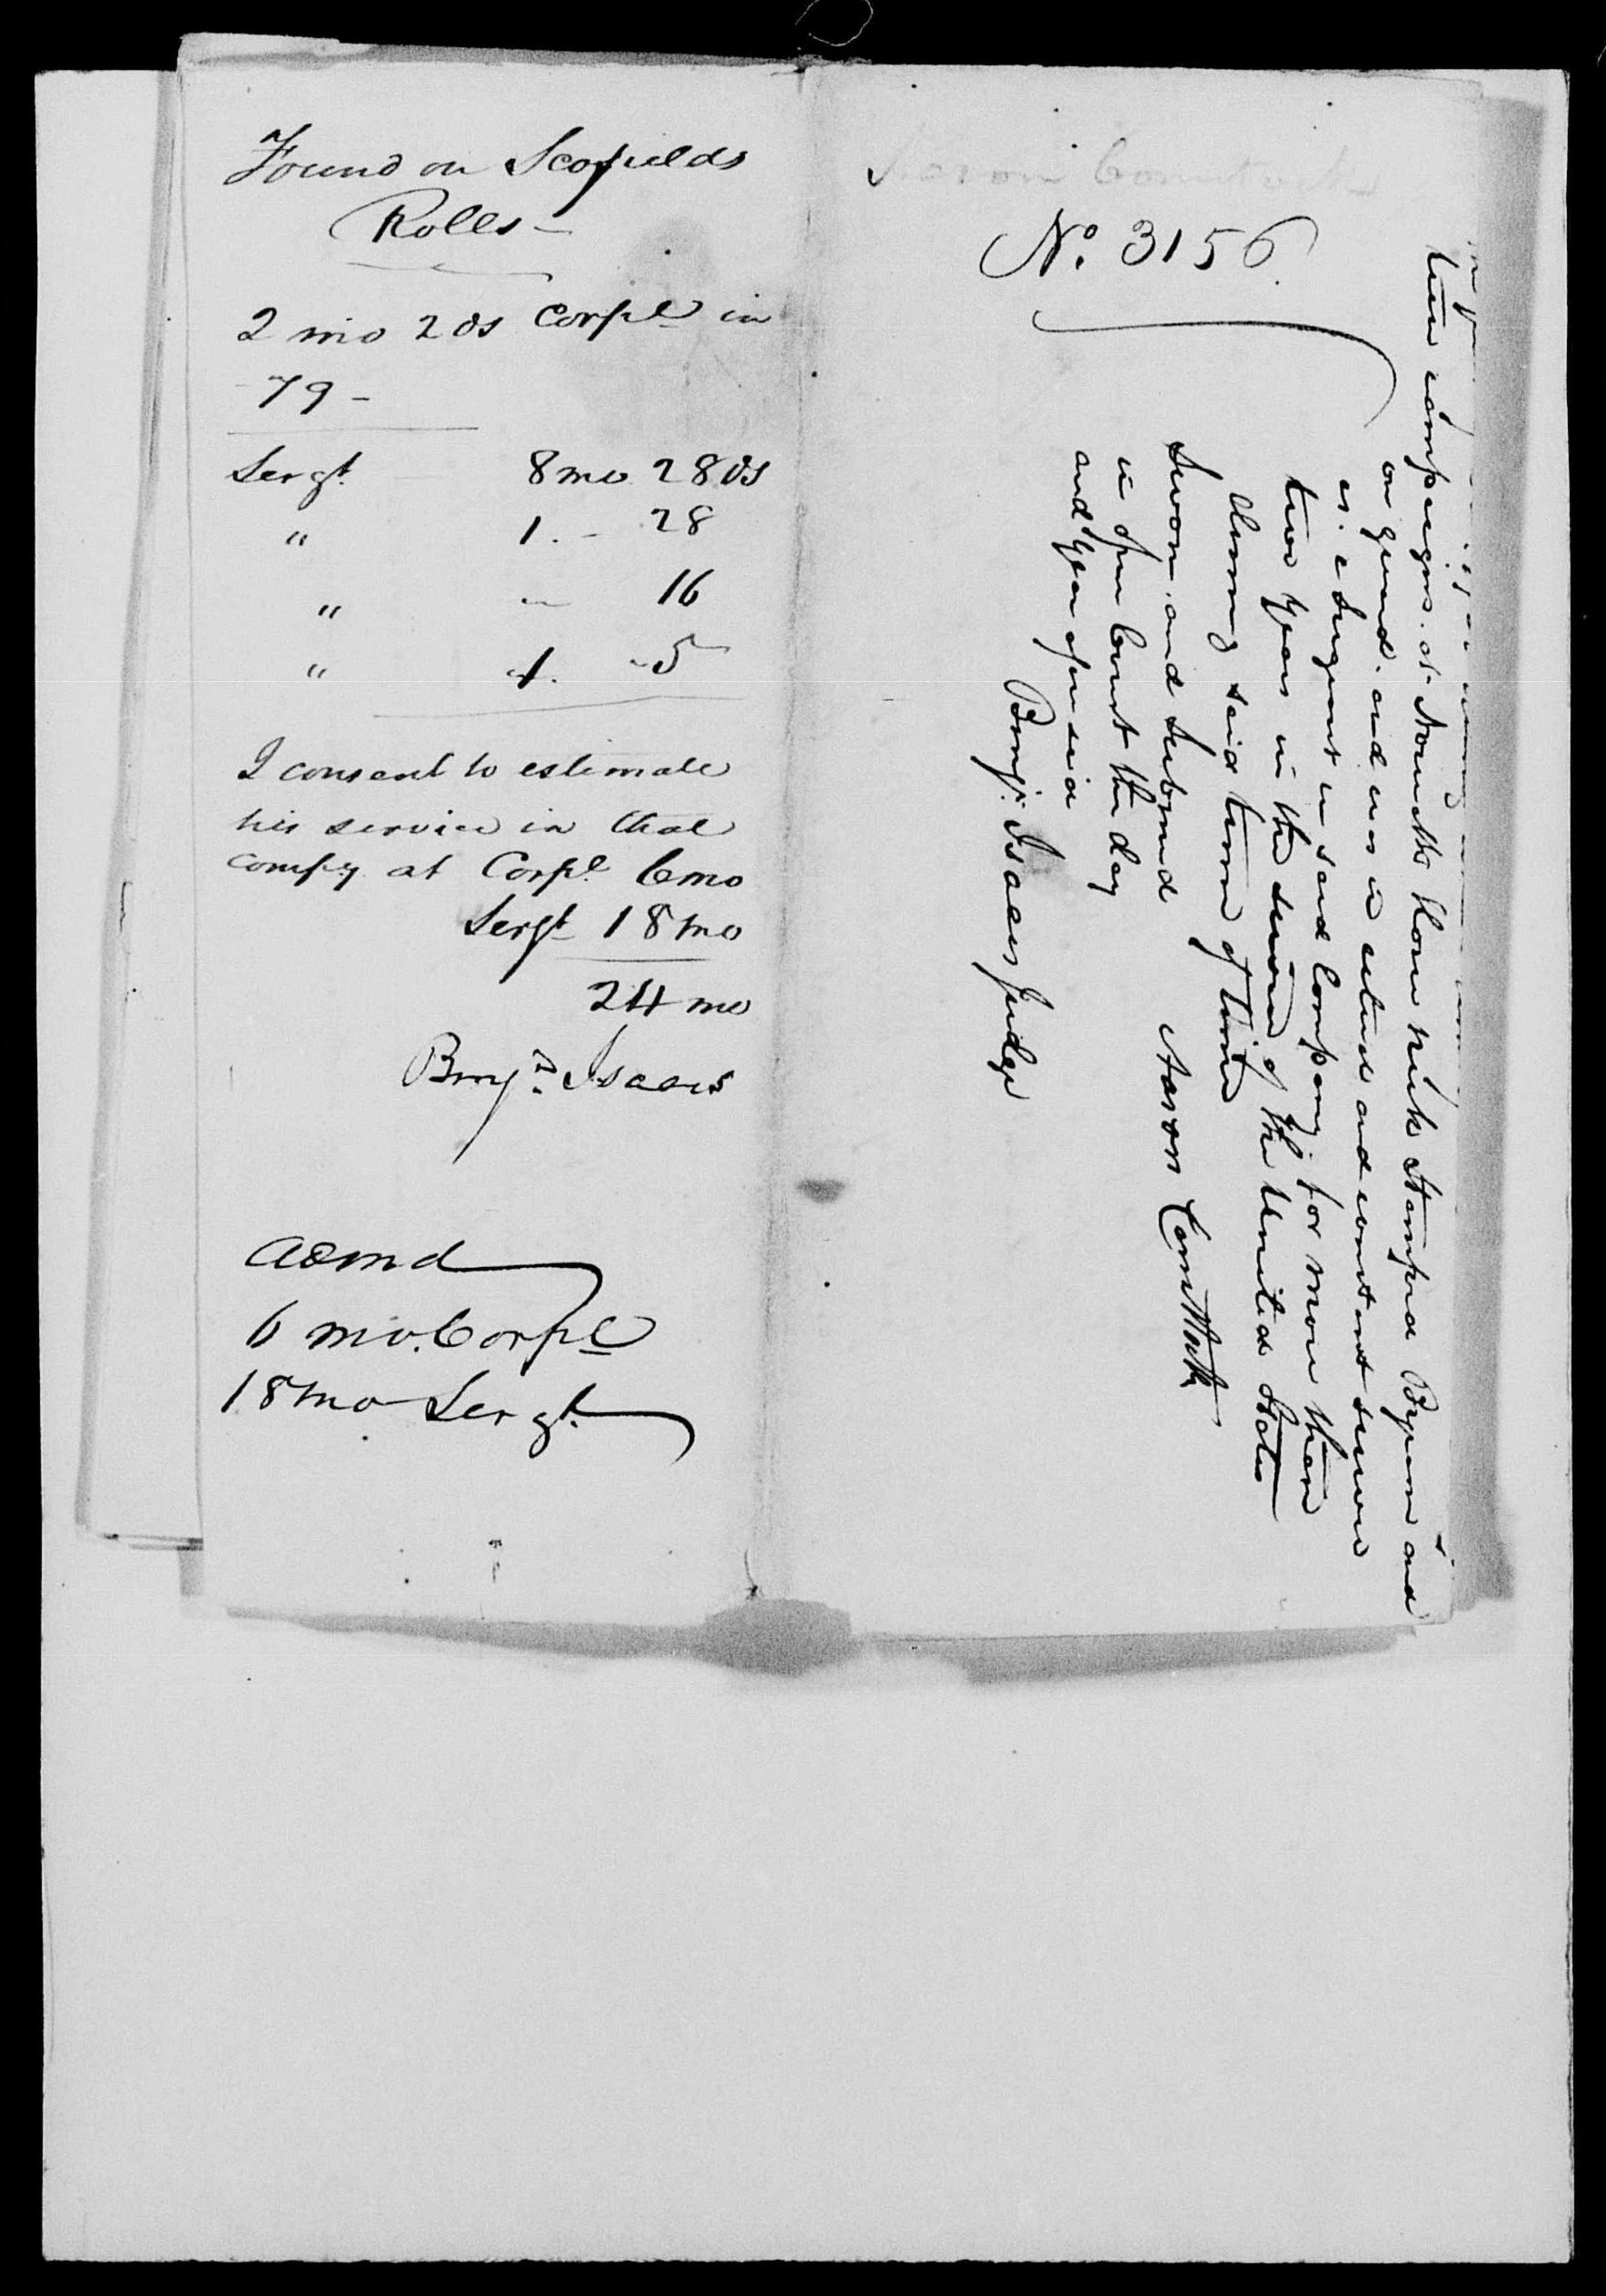[left page] Found on Scofields Rolls-
2 mo 2 ds Corpl in -79-
Sergt. 8 mo 28 ds
" 1 - 28
" ~ 16
" 4. - 5
I consent to estimate his services in that compy at Corpl 6 mo
Sergt 18 mo
24 mo
Benjn. Isaacs

admd
6 mo. Corpl
18 mo. Sergt.

[right page] Aaron Comstock
No. 3156.

[sideways down page] [first line cut off, illegible]
[illegible] campaigns at Norwalk Horse necks Stamford Byram and on guard. and was in actual and constant service as a Sergeant in said company for more than two years in the service of the United States during said term of time
Sworn and Subscribed   Aaron Comstock
in open Court the day
and year aforesaid
Benjn Isaacs Judge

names: Benjn Isaacs, Aaron Comstock, Scofield, Aaron Comstock, Benjn Isaacs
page: 6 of 43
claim: widow's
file: W. 17,647, Aaron Comstock, Conn.